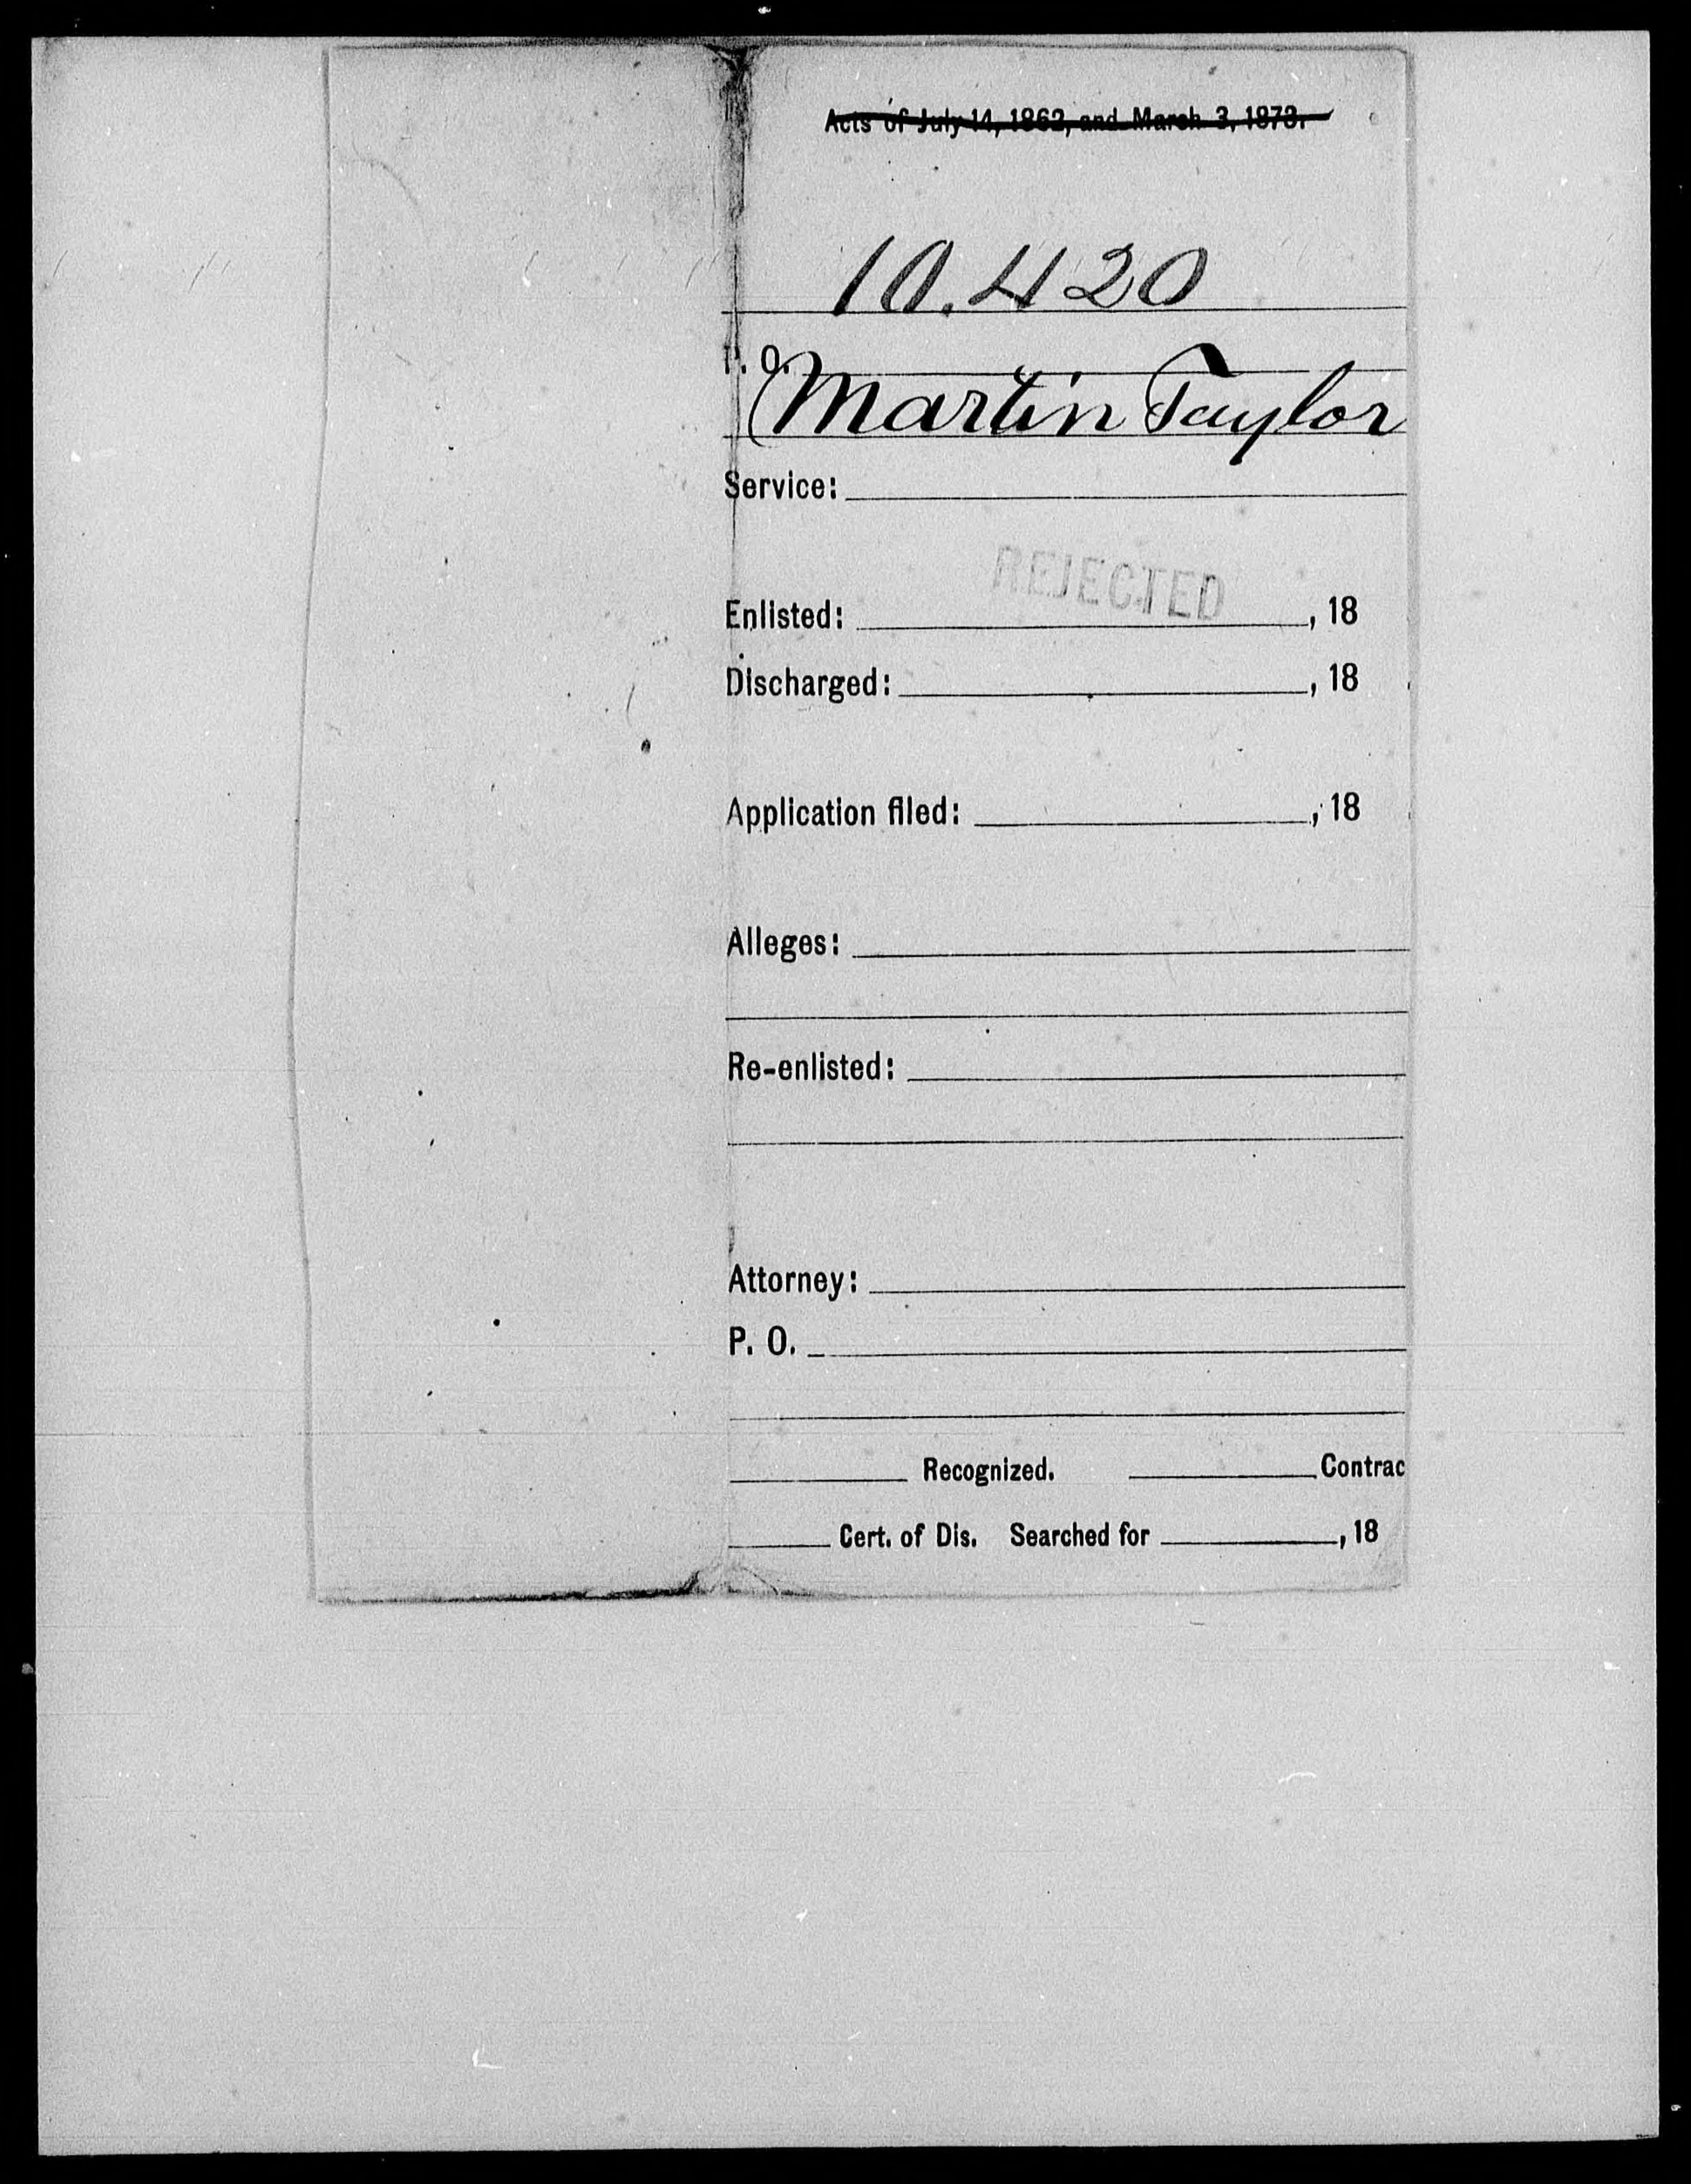10420
P.O. Martin Taylor
Service:
Enlisted:     REJECTED            , 18
Discharged:                           , 18
Application filed:                   , 18
Alleges:

Re-enlisted:

Attorney:
P.O 

--------------Recognized, ---------------Contract
----------Cert. of Dis. Searched for -----------, 18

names: Martin Taylor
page: 12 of 13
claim: rejected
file: R 10420, for Martin Tayler, Connecticut